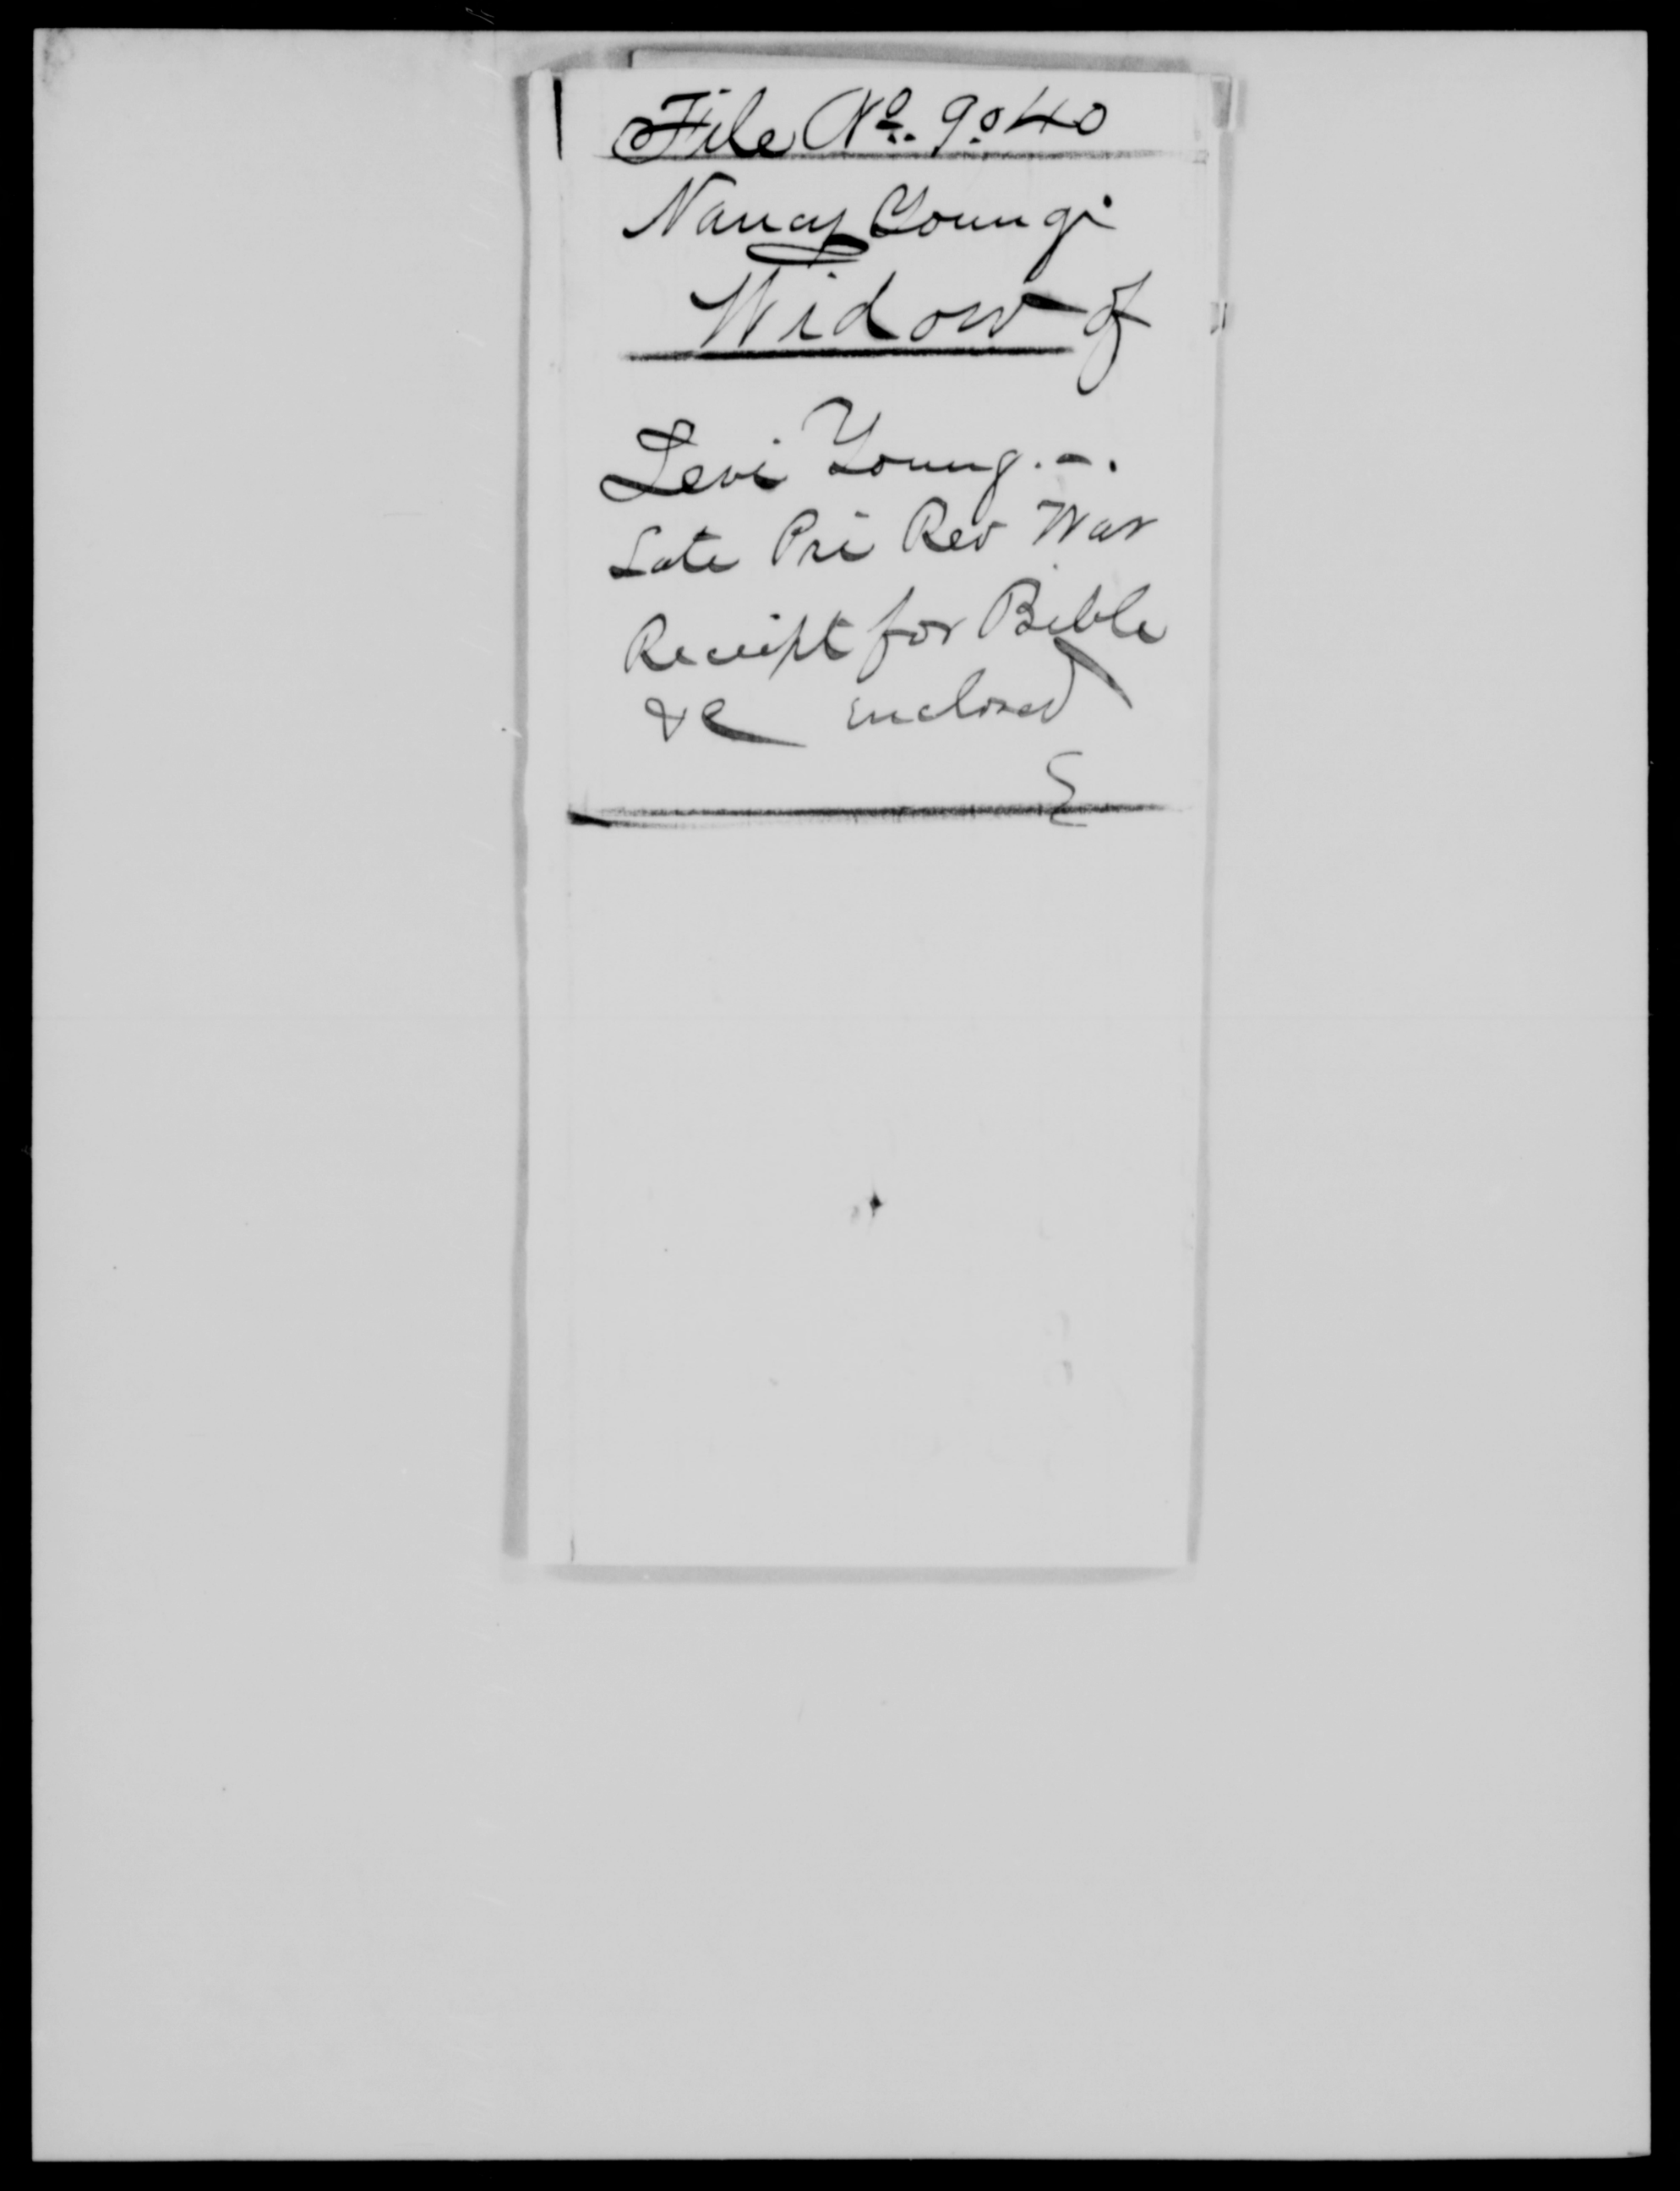File No. 9040
Nancy Young
Widow of
Levi Young
Late Pri Rev War [Private Revolutionary War]
Receipt for Bible 
(?) enclosed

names: Levi Young, Nancy Young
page: 33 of 56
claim: widow's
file: W. 9040, Levi Young, Ga. New Jersey S.C.